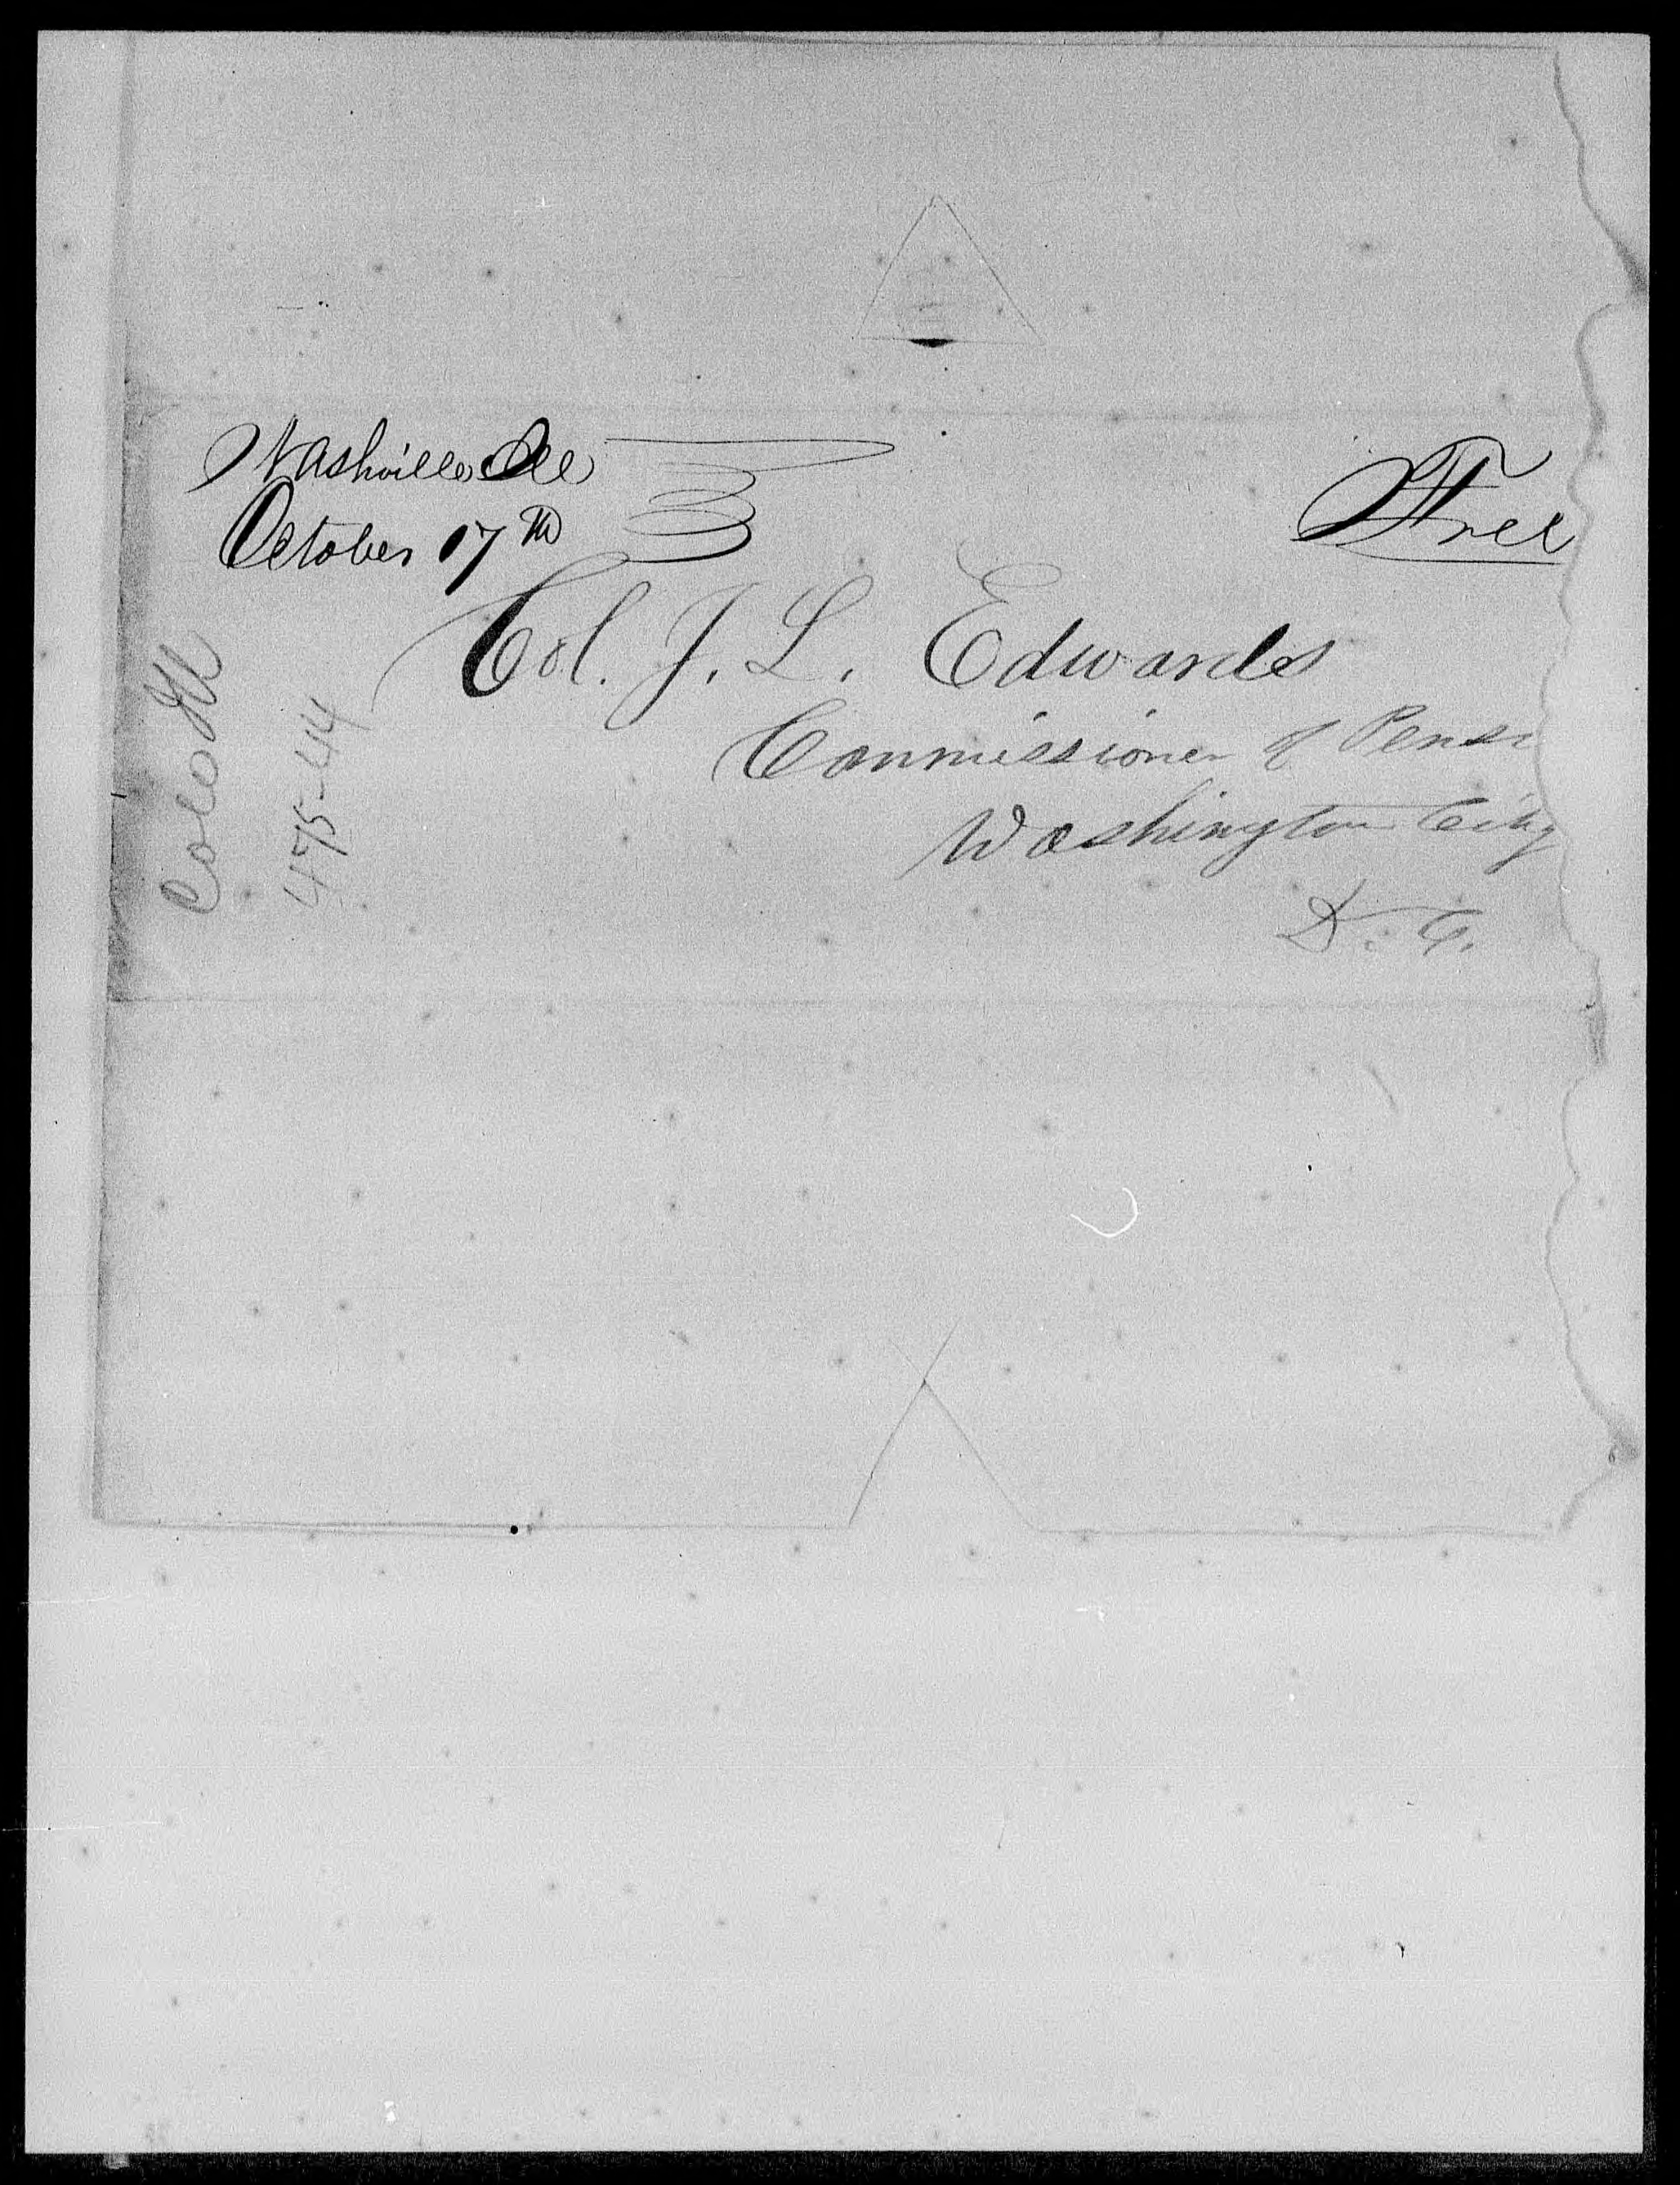Colo 
475-44

Nashville Ill
October 17th Free

Col. J.L. Edwards
Commissioner of Pension
Washington City
D.C.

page: 51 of 93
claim: widow's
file: W. 21792, for Thomas Mc Clurken, South Carolina